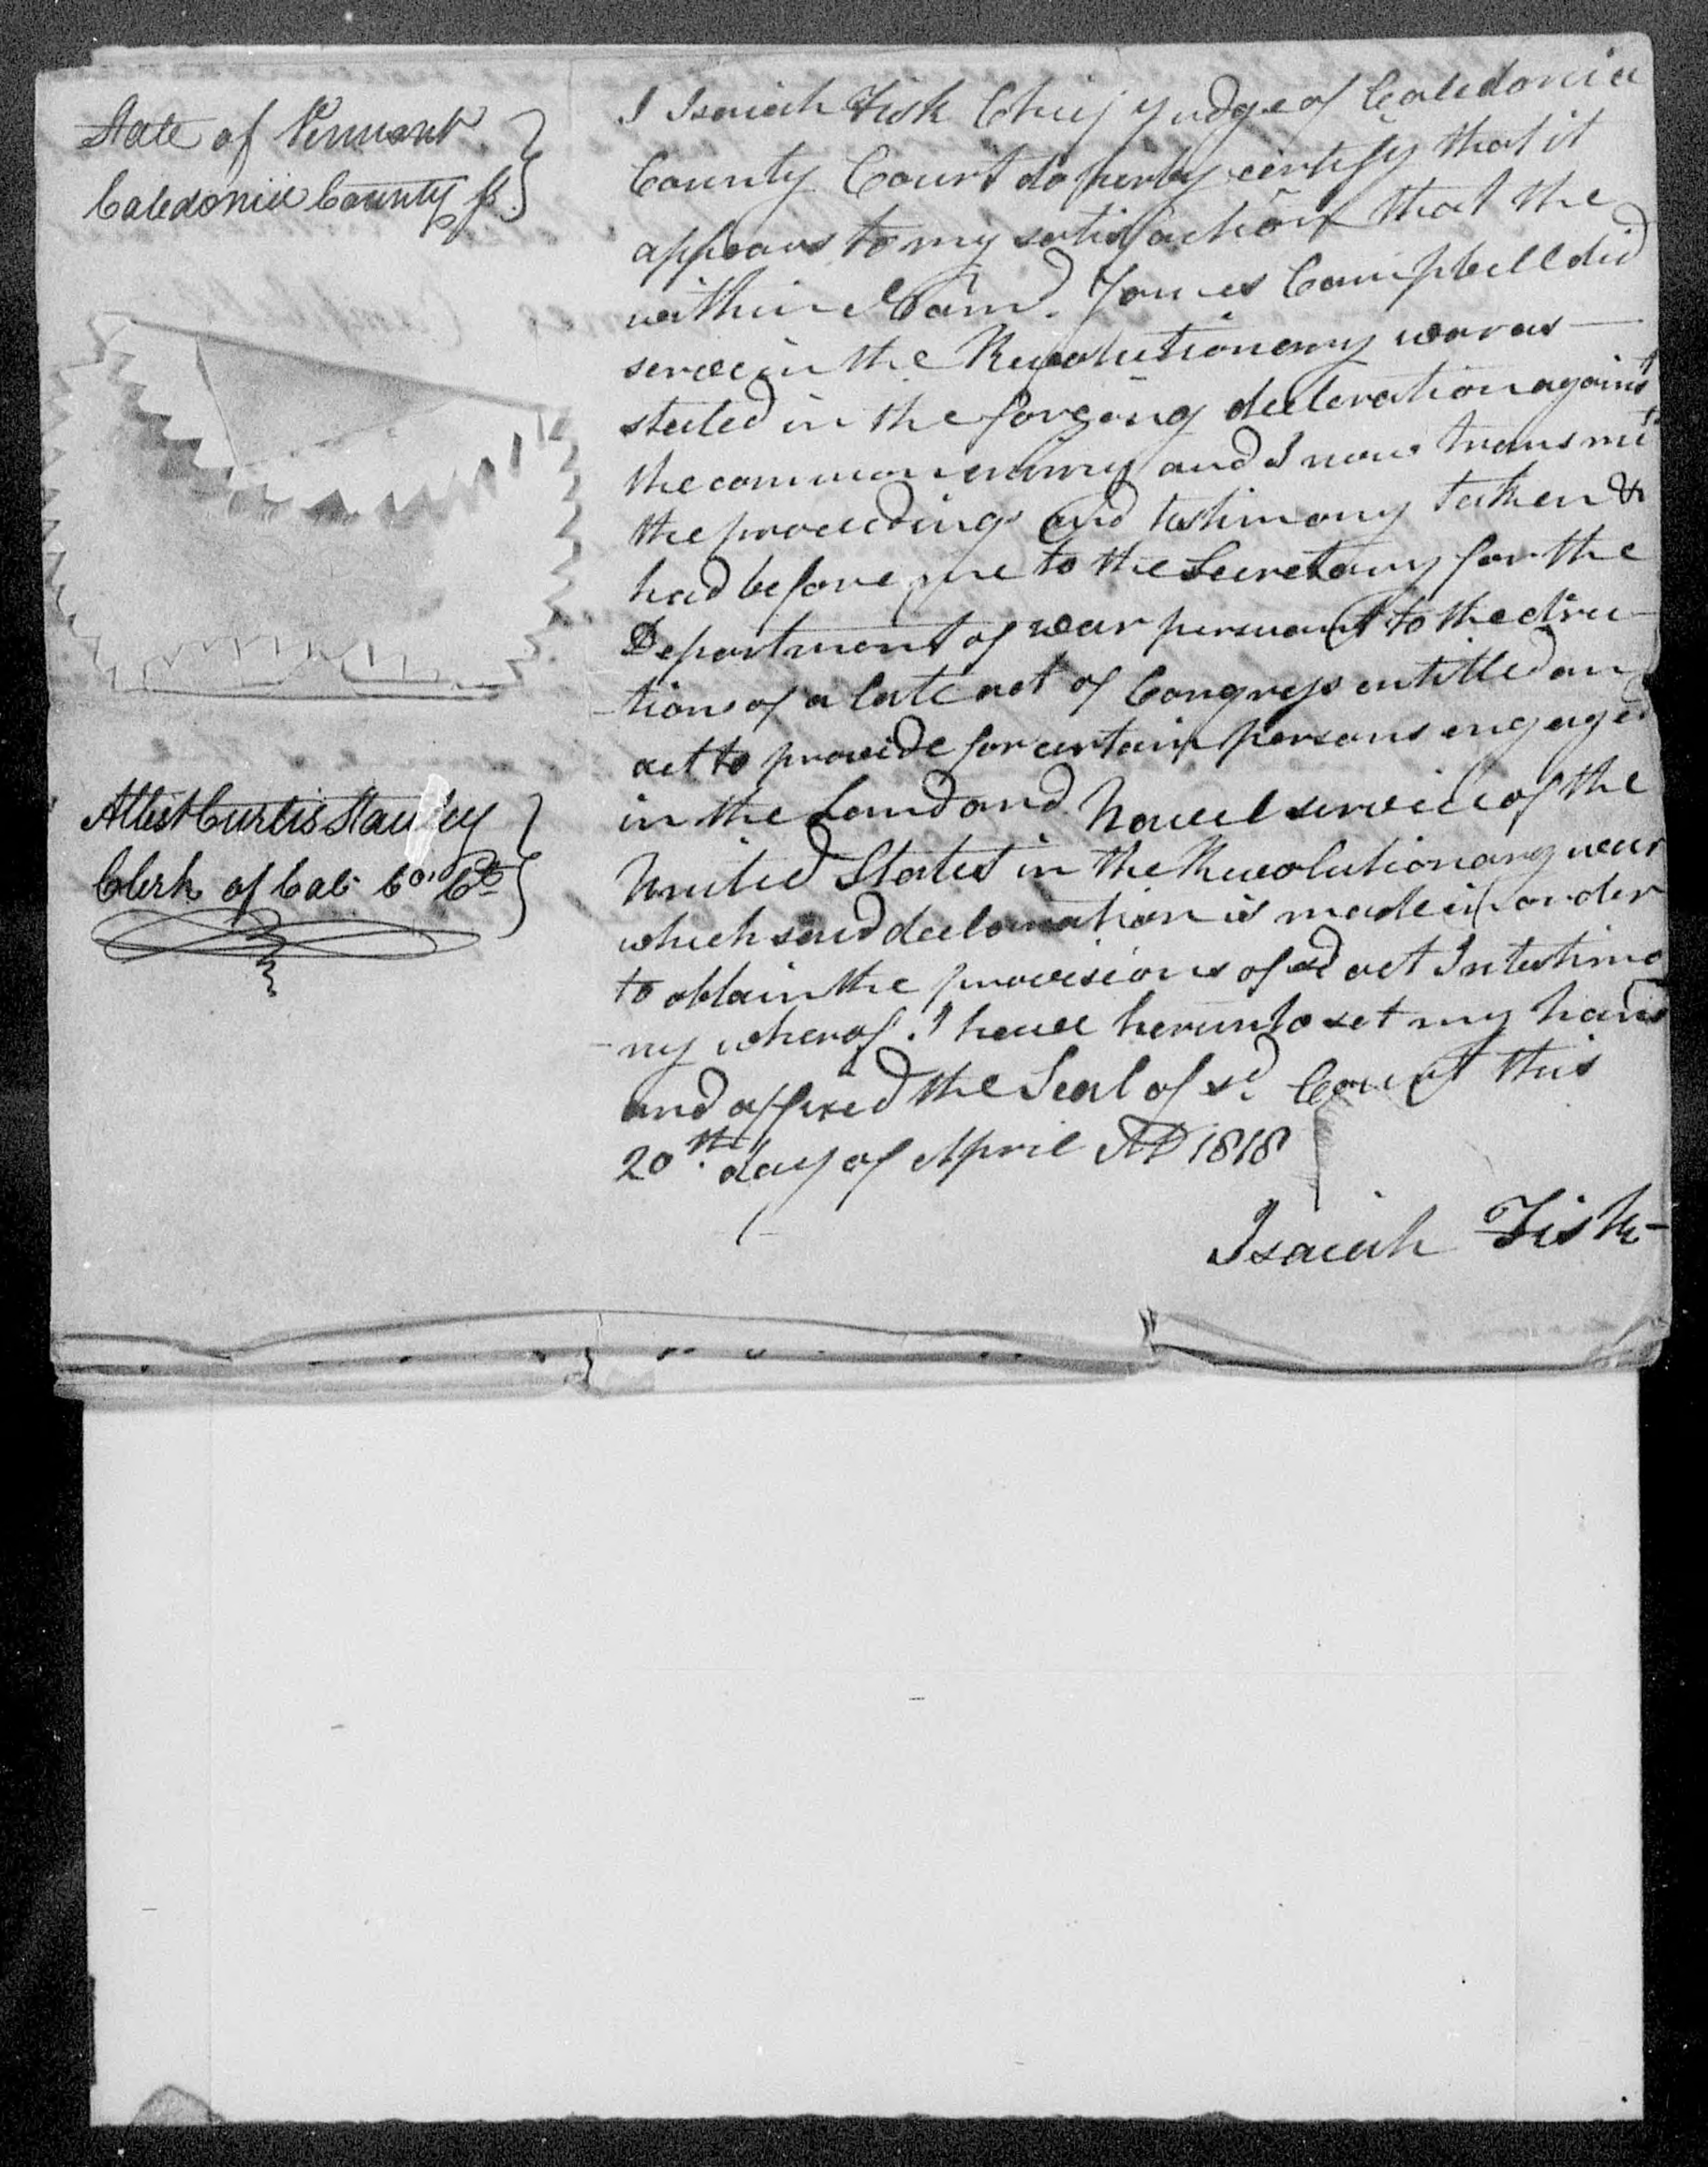State of Vermont}
Caledonia County ss.}

Attest Curtis Stanley}
Clerk of Cal. Co. Ct.

I Isaiah Fisk Chief Judge of Caledonia County Court do herby certify that it appears to my satisfaction that the within named James Campbell did serve in the Revolutionary war as
stated in the forgoing declaration against
the common enemy and I now transmit the proceedings and testimony taken & had before me to the Secretary for the Department of War pursuant to the directions of a late act of Congress entitled an act to provide for certain persons engaged in the Land and Navel service of the United States in the Revolutionary war
which said declaration is made in order ┃
to obtain the provisions of sd act Testimony
whereof I have hereunto set my hand and affixed the Seal of sd Court this 20t.h day of April AD 1818
Isaiah Fisk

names: Isaiah Fisk, James Campbell, Isaiah Fisk, Curtis Stanley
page: 5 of 67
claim: widow's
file: W. 23772, James Campbell, Continental Mass.